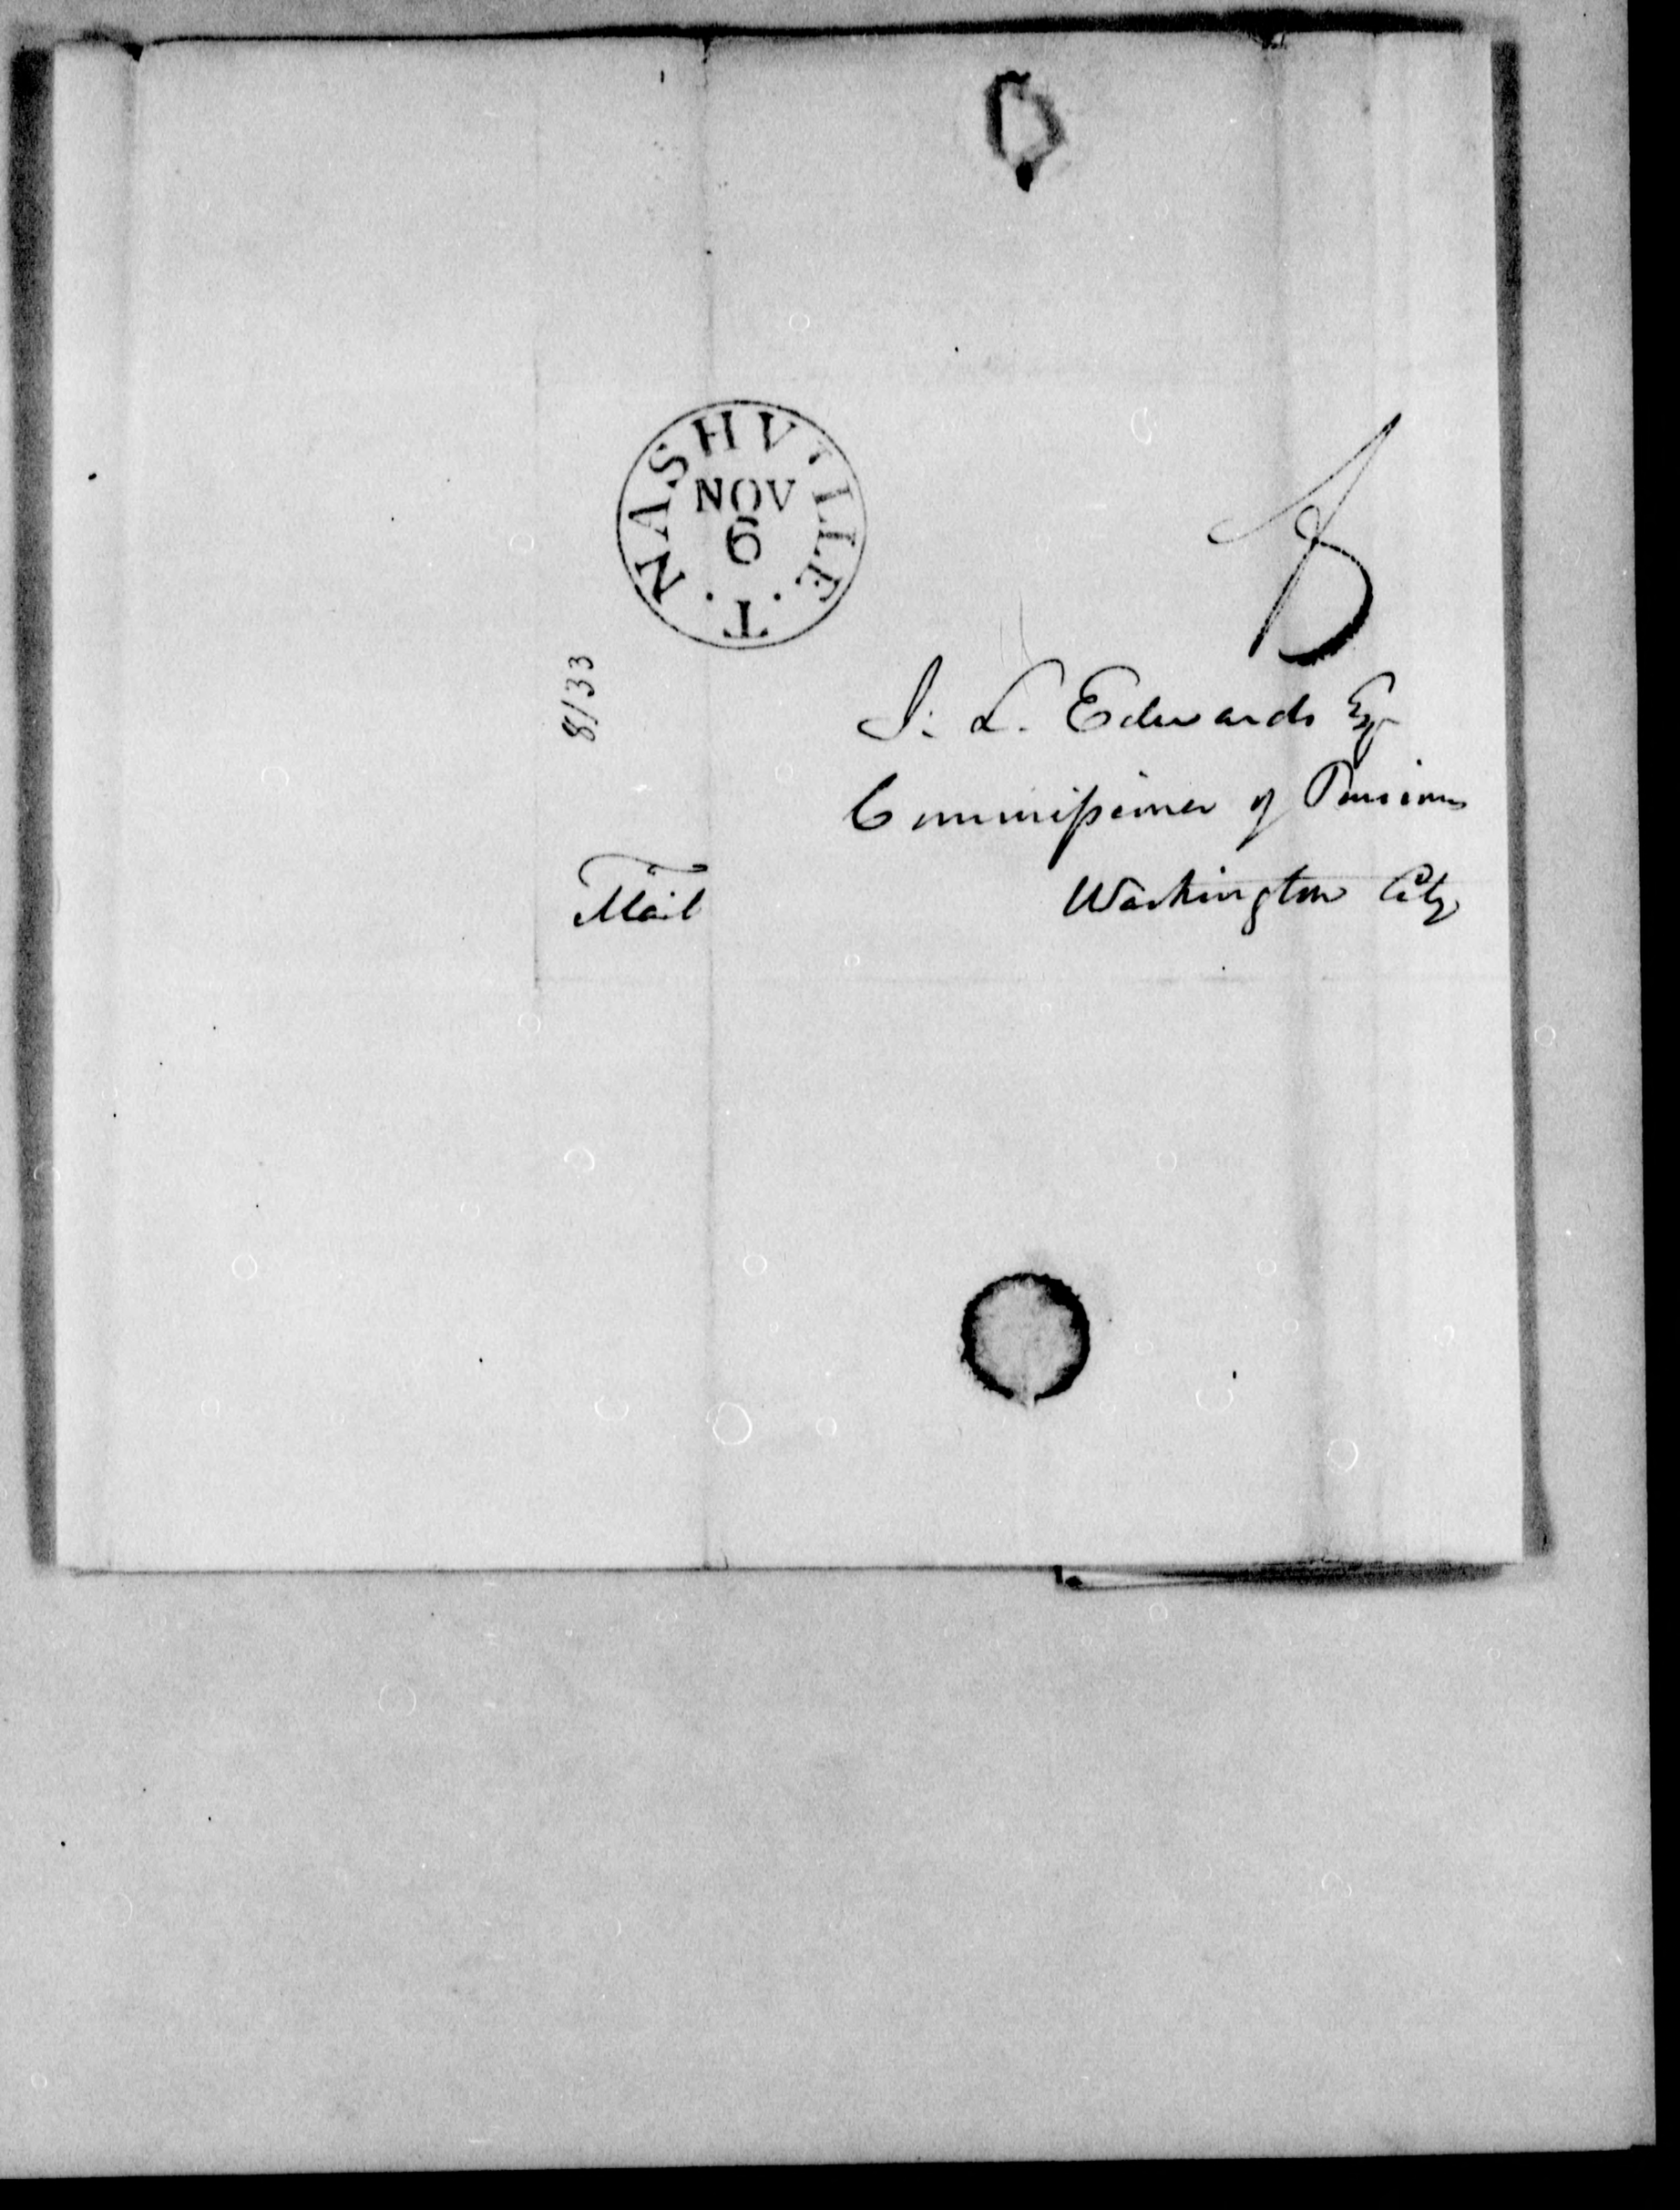[circular stamp] NASHVILLE . T .  NOV 6
8133
J. L. Edwards Eq
Commissioner of Pensions
Washington City
Mail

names: J L Edwards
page: 69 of 105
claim: survivor's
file: S. 1883, Richard Vernon, N.C.